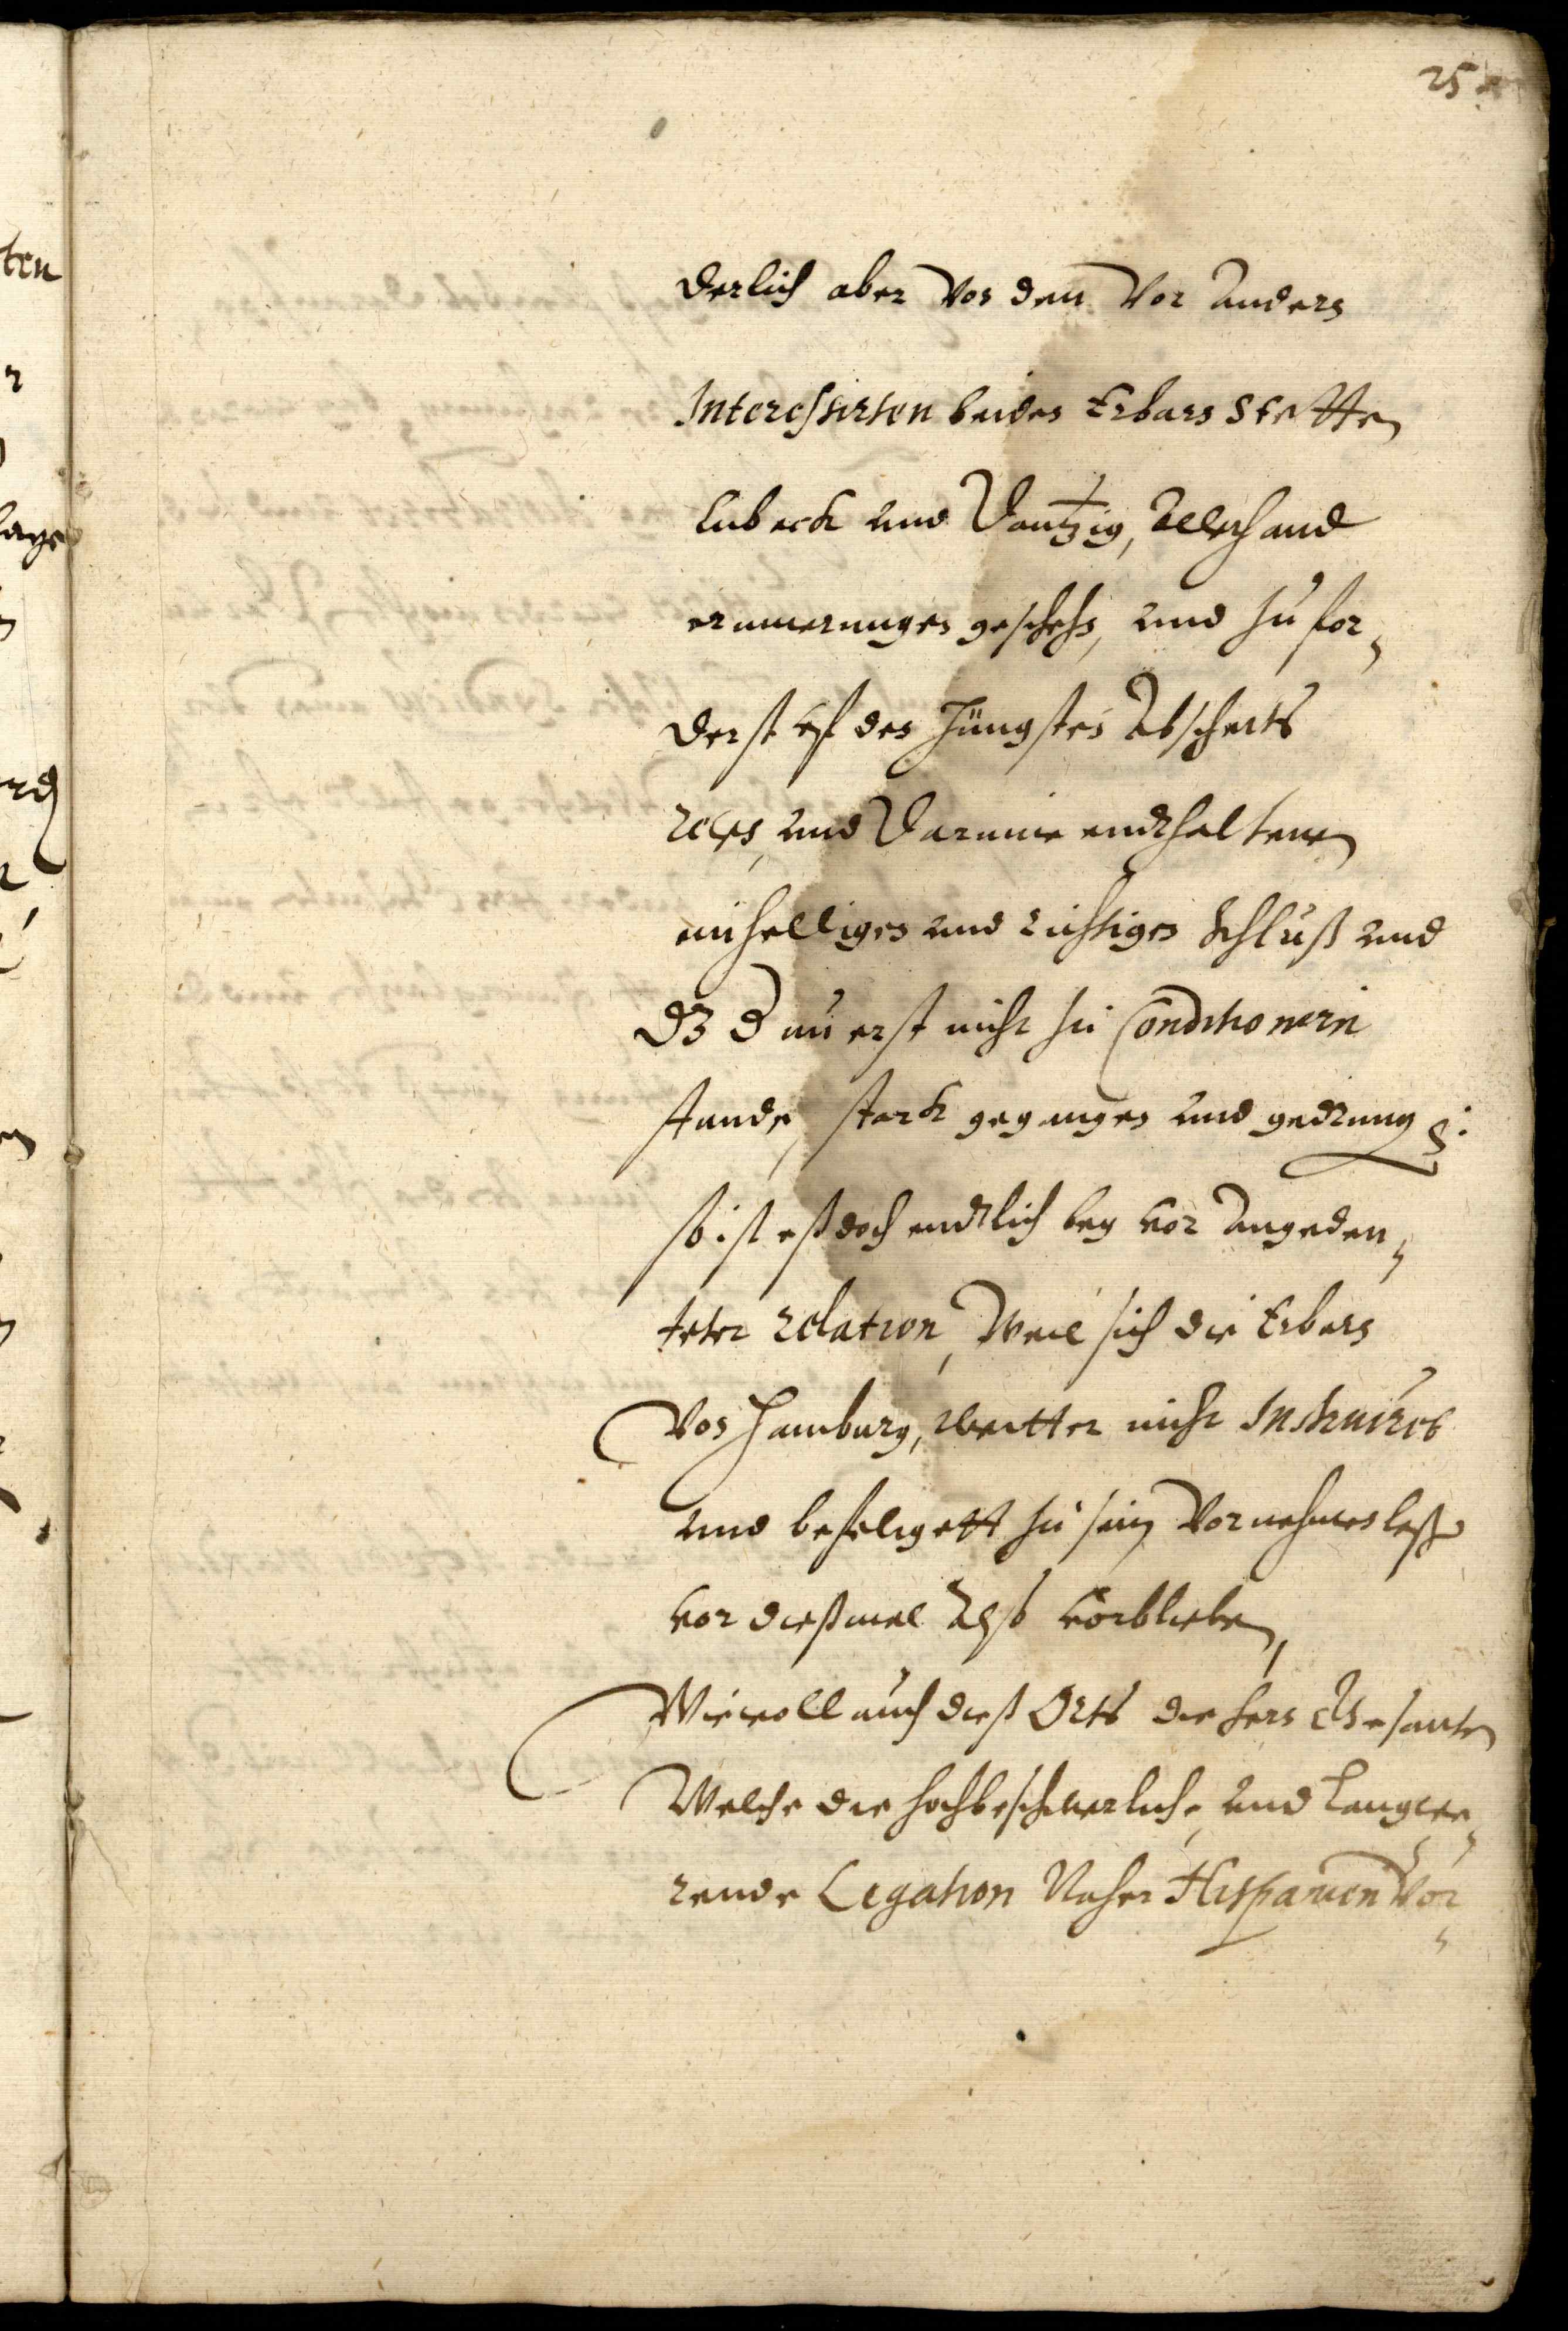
25.
derlich aber von den von Andern
Interessirten beiden Erbarn Stetten
Lubeck vnd Dantzig, Allerhand
erneuerungen geschehen vnd zufor¬
derst vf den Jüngsten Abschiets
reces vnd Darinne endthaltenen
einhelligen vnd richtigen Schluß vnd
das der ?? erst nicht zu Conditionirn
stande stark gegangen vnd gedtung ?:
so ist eß doch endtlich bey vor Angedeu¬
teter relation vnd sich die Erbarn
von Hamburg, erbetten nicht Instruiret
vnd befeligett zu sein vornehmen lasen
vor dießmal Also vorbleiben
Wiewoll auch dießOrts der hern Gesanten
Welche die hochbeschwerliche vnd langwe¬
rende Legation Naher Hispanien vor¬
